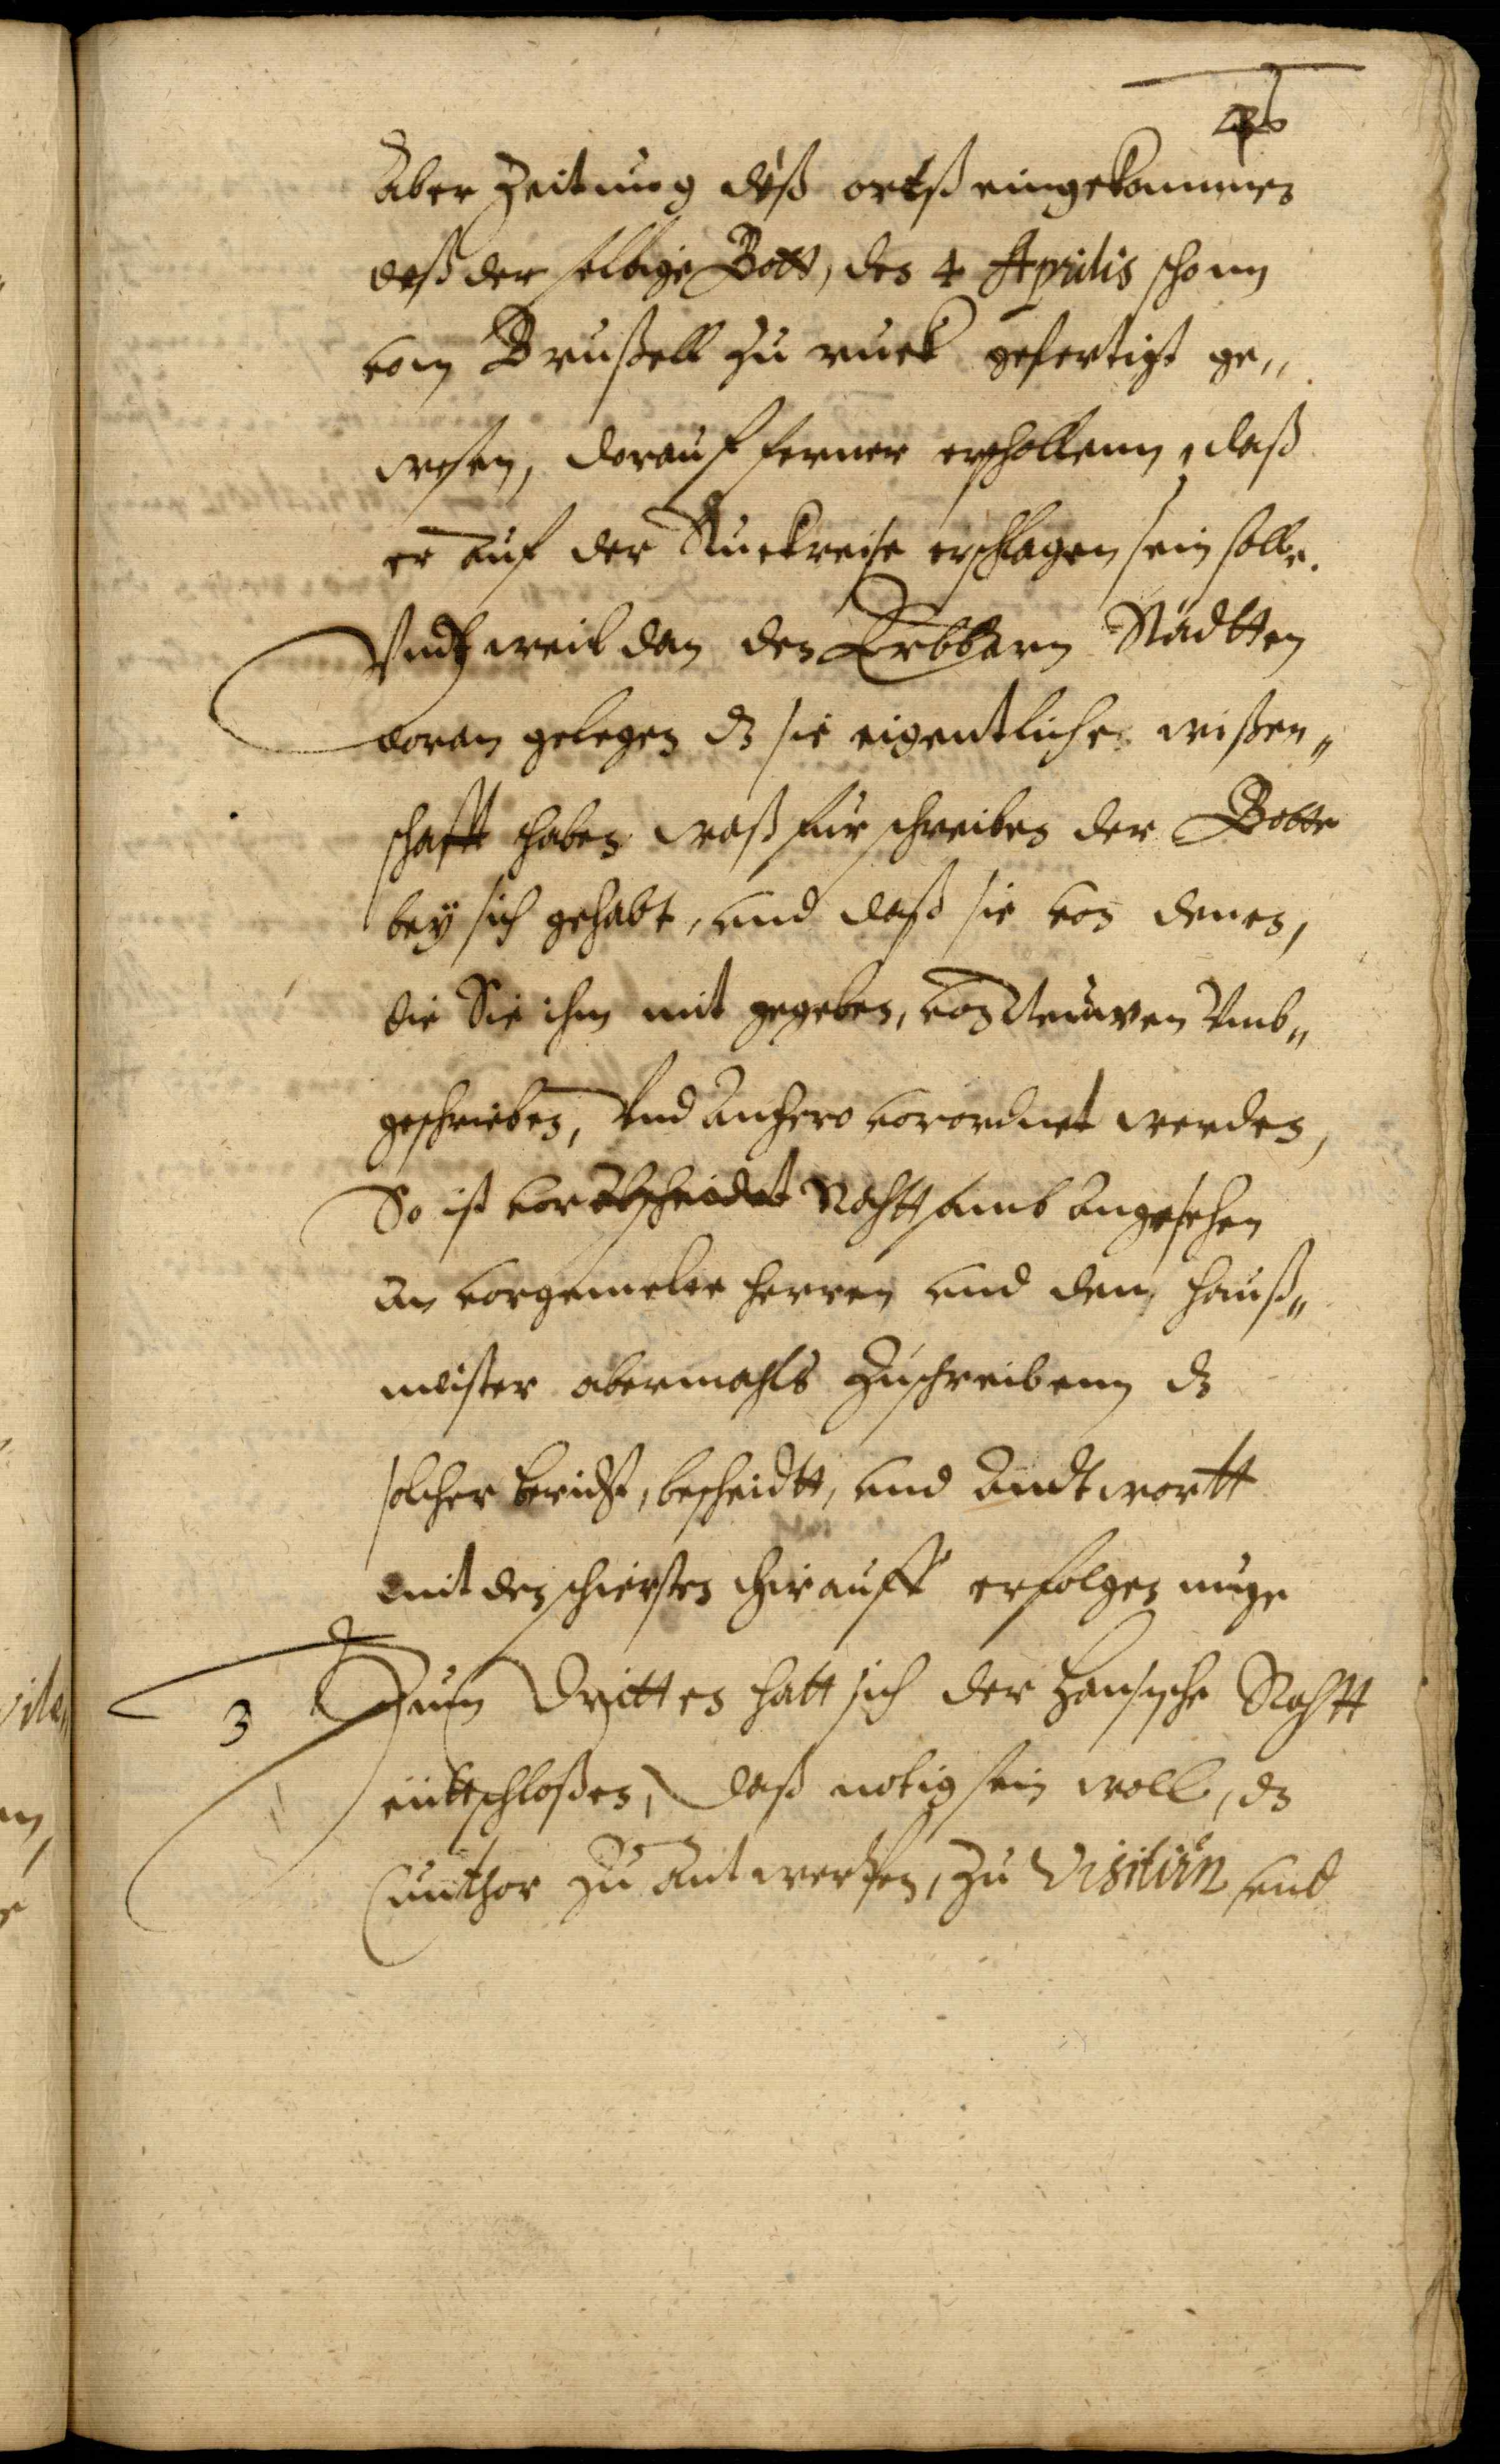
46
Aber zeitung deß ortß eingekommen
daß der selbige Bott, des 4 Aprilis schonn
vom Brußell zu werk gefertigt ge¬
wesen, darauf ferner erschollen, daß
er auf der Ruckreise erschlagen sein solle.
Vndt weil das den Erbbarn Stätten
doran gelegen das sie eigentliche wißen¬
schafft haben waß fur schreiben der Botte
beij sich gehabt, vnd daß sie von denen,
die Sie ihm mit gegeben, von Neuwen vmb¬
geschrieben, Vnd Anhero vorordnet werden,
So ist vorabschiedet Rattsamb Angesehen
An vorgemelte herren vnd dem hauß¬
meister abermahls zuschreibenn das
solcher bericht, bescheidtt, vnd Antwortt
mit den schiersten hirauff erfolgen muge
3
Zum dritten hatt sich der Hansische Rahtt
enttschloßen, Daß notig sein woll, das
Cunthor zu Antwerpen, zu visitirn vnd
